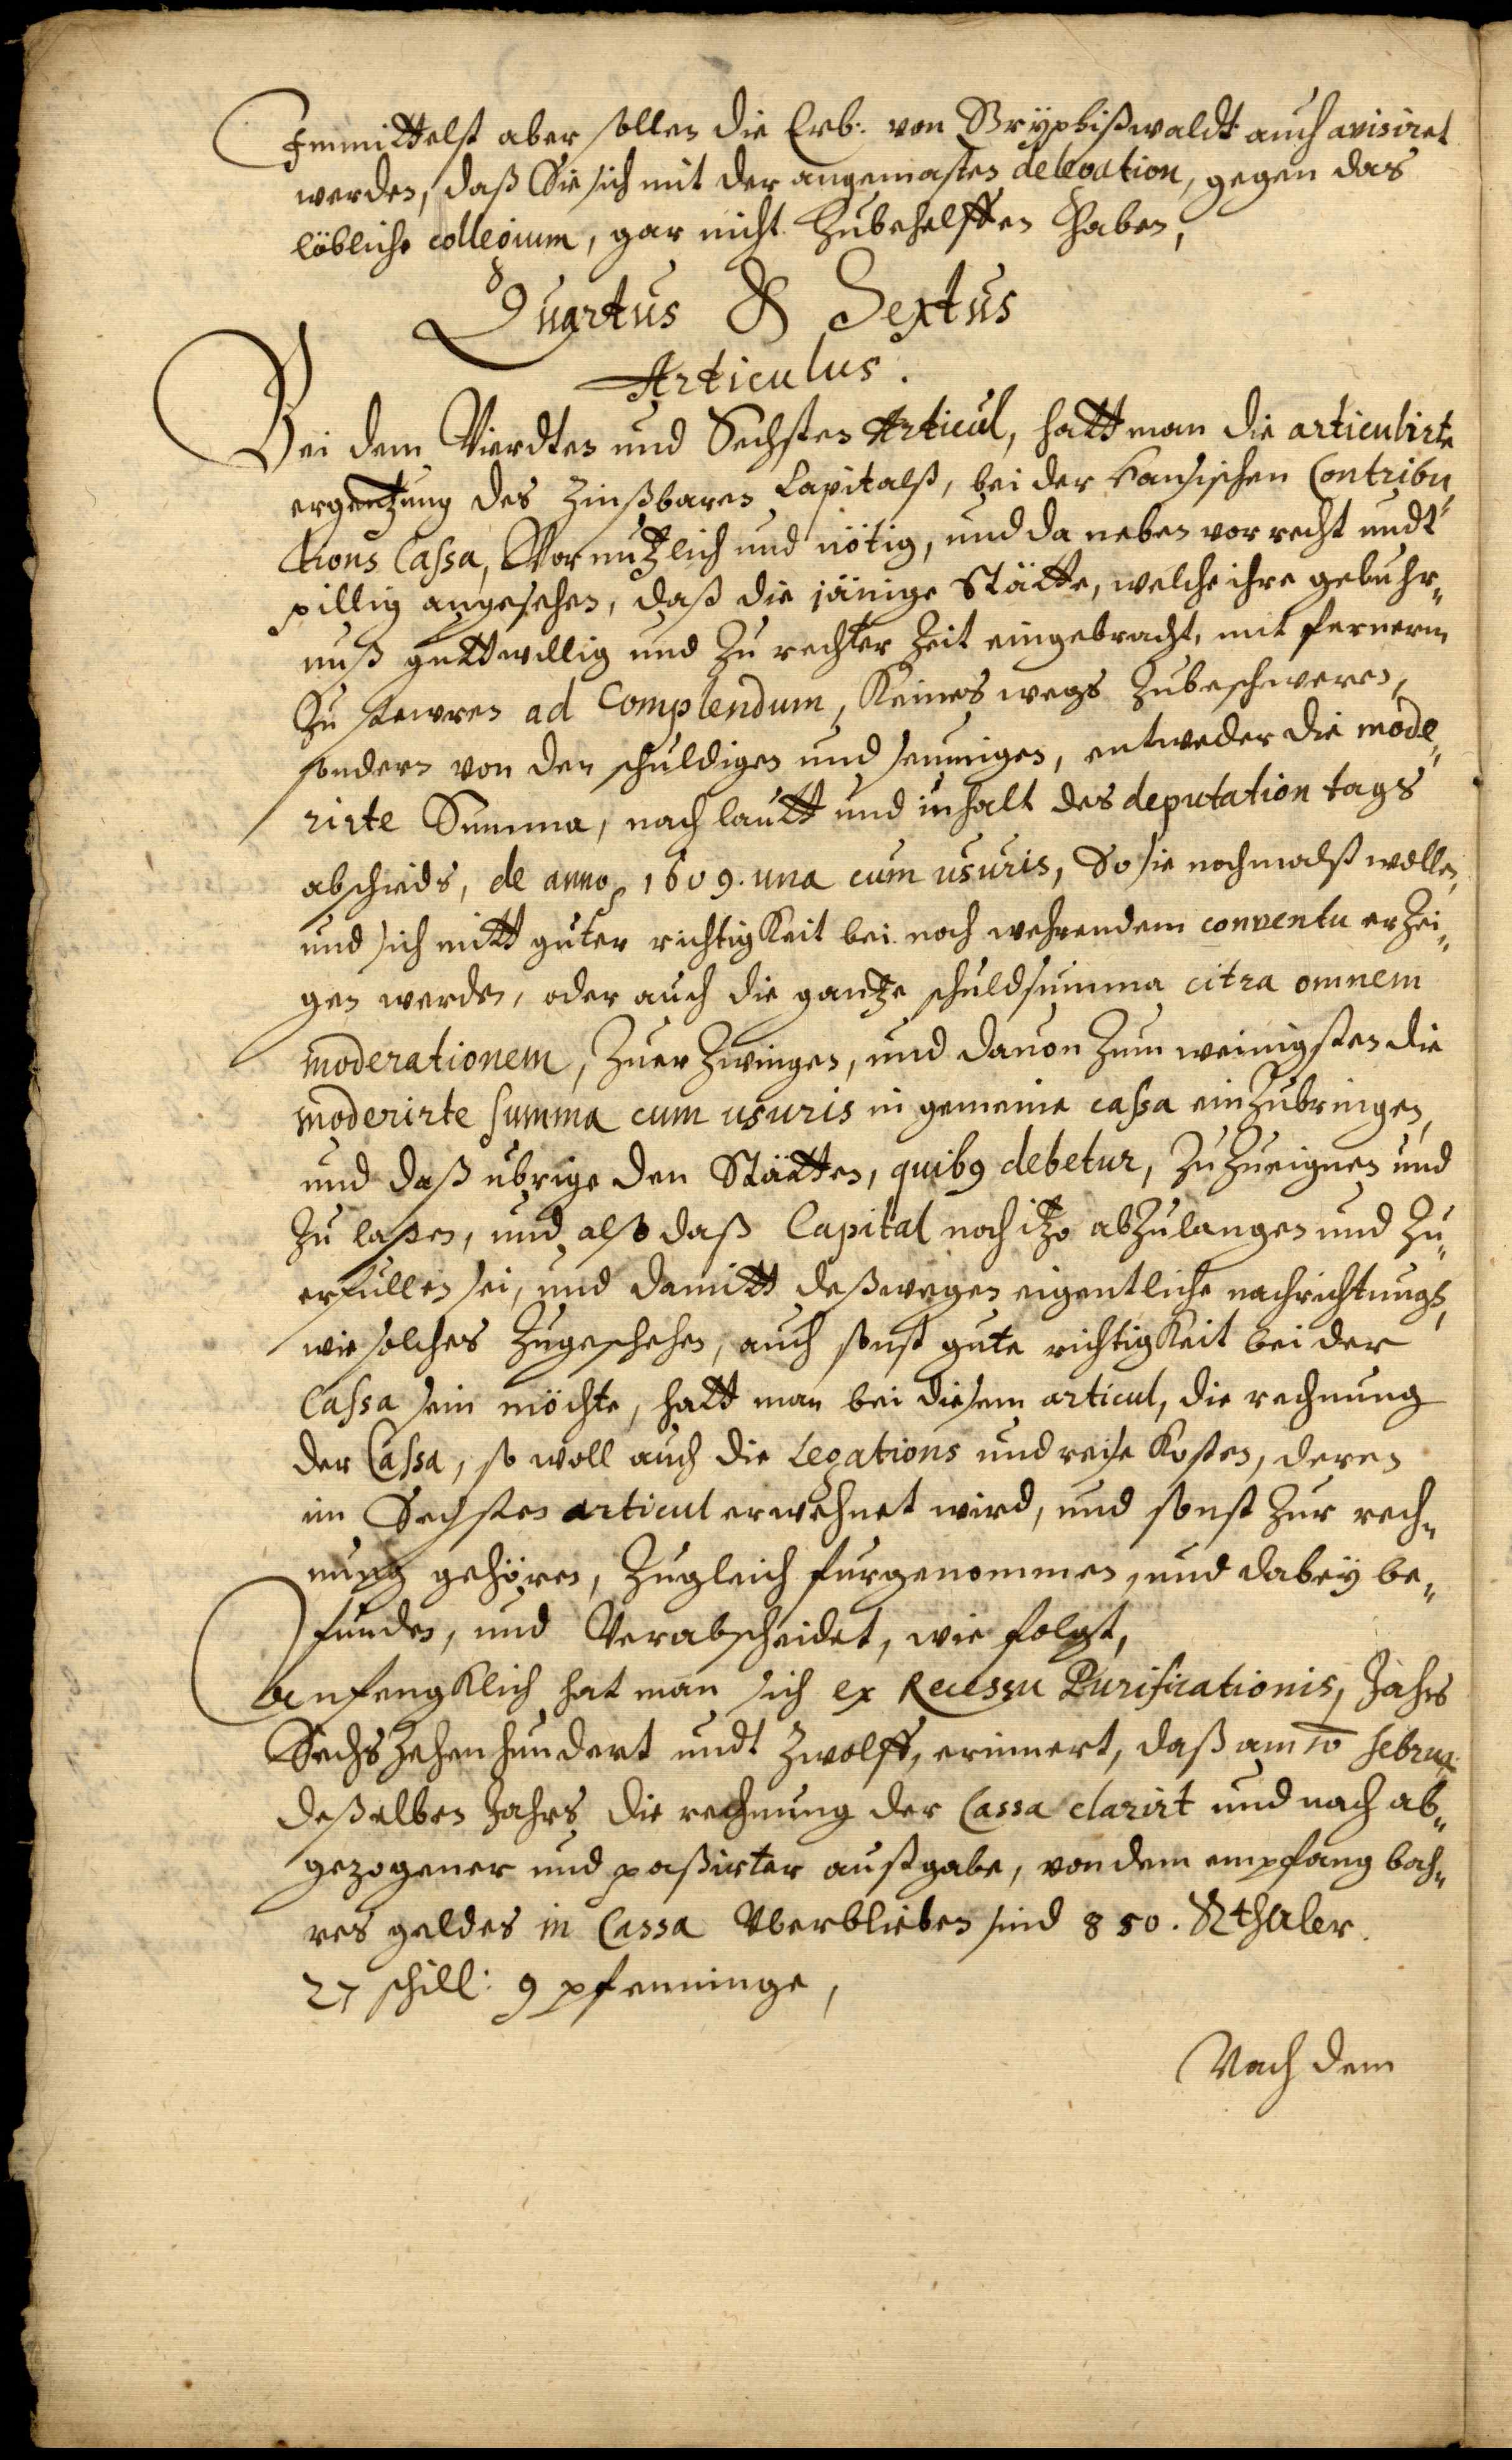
Immittelst aber sollen die Erb: von Grijphißwaldt auch avisiret
werden, daß Sie sich mit der angemaßten delegation, gegen das
löbliche collegium, gar nicht zubehelffen haben,
Quartus & Sextus
Articulus.
Bei dem Vierdten und Sechsten Articul, hatt man die articulirte
ergentzung des zinßbaren Capitalß, bei der Hansischen Contribu¬
tions Cassa, Vor nutzlich und nötig, und da neben vor recht undt
pillig angesehen, daß die iänige Stätte, welche ihre gebuhr¬
nuß guttwillig und zu rechter zeit eingebracht, mit fernerm
zu tewren ad Complendum, Keines wegs zubeschweren,
sondern von den schuldigen und seumigen, entweder die mode¬
rirte Summa, nach lautt und inhalt des deputation tags
abschieds, de anno p 1609. una cum usuris, So sie nochmalß wollen,
und sich mitt guter richtigkeit bei noch wehrendem conventu erzei¬
gen werden, oder auch die gantze schuldsumma citra omnem
moderationem, Zuerzwingen, vnd dauon zum weinigsten die
moderirte summa cum usuris in gemeine cassa einzubringen,
und daß ubrige den Stätten, quibus debetur, zu zueignen und
Zu laßen, und also daß Capital noch itzo abzulangen und zu¬
erfullen sei, und damitt deßwegen eigentliche nachrichtungs,
wie solches zugeschehen, auch sonst gute richtigkeit bei der
Cassa sein möchte, hatt man bei diesem articul, die rechnung
der Cassa, so woll auch die Legations und reise kosten, deren
im Sechsten articul erwehnet wird, und sonst zur rech¬
nung gehören, Zugleich furgenommen, und dabeij be¬
funden, und verabscheidet, wie folgt,
Anfengklich hat man sich ex Recessu Purificationis, Jahrs
Sechszehen hundert undt zwolff, erinnert, daß am 10 februa
deßelben Jahrs die rechnung der Cassa clarirt und nach ab¬
gezogener und paßirter außgabe, von dem empfang bah¬
res geldes in Cassa Vberblieben sind 850. Rthaler.
27 schill: 9 pfenninge,
Nach dem
